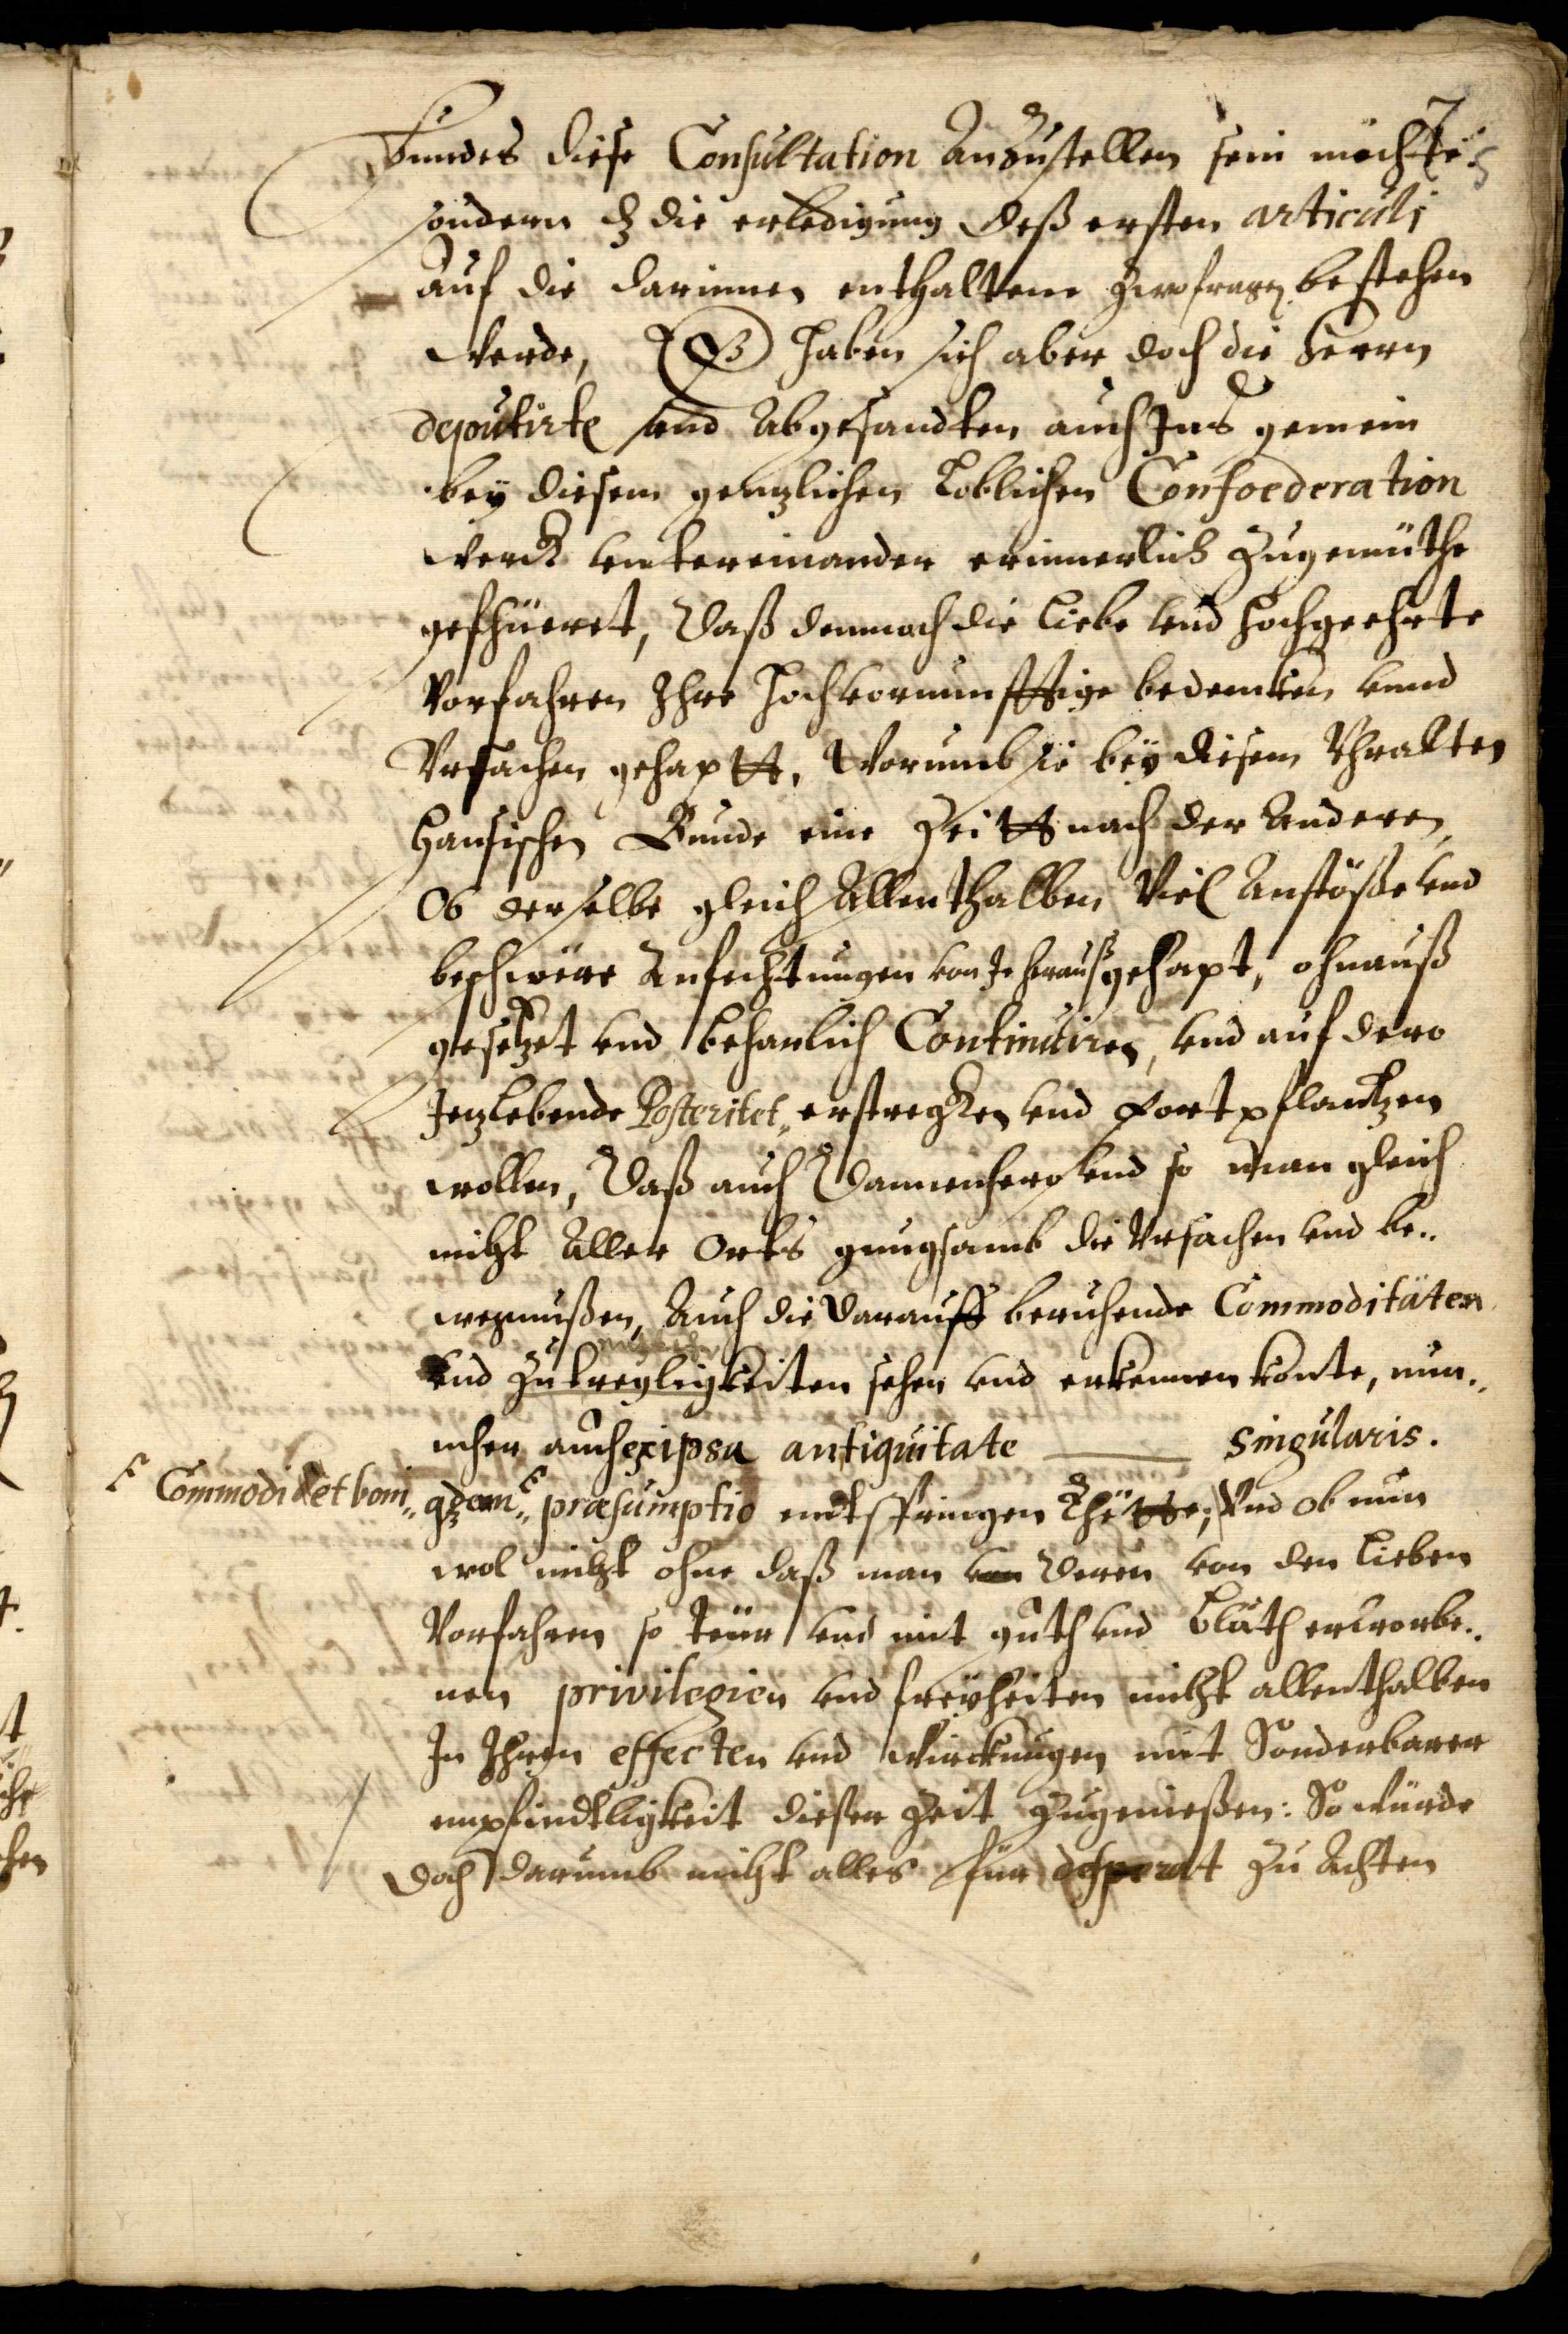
7
* Commodi et boni
bundes diese Consultation anzustellen sein mochte.
sondern den die erledigung deß ersten articuli
auf die darinnen enthaltem Zwo fragen bestehen
werde, Eß haben sich aber doch die Herrn
deputirte vnd abgesandten auch ins gemein
beij diesem gentzlichen Loblichen Confoederation
werck untereinander erinnerlich zugemüthe
gefüeret, Daß demnach die liebe vnd hochgeehrte
Vorfahren ihre hochvornunfftige bedencken vnnd
Vrsachen gehaptt, Worumb sie beij diesem Vhralten
hansischen Bunde eine Zeitt nach der anderen,
Ob derselbe gleich allenthalben, Viel anstöße vnd
beschwere anfechtungen von Ie herauß gehapt, ohnauß
gesetzet und beharlich Continuiren, und auf dero
Ietzlebende Posteritet, erstregken vnd fortpflantzen
wollen, Daß auch Dannenhero und so man gleich
nicht aller Orts gnugsamb die Vrfachen vnd be¬
wegmußen, auch die Darauff beruhende Commoditäten
vnd zu tregligkeiten sehen vnd erkennen konte, nun¬
mher auch exipsu antiquitate singularis.
qdam * prasumptio endtspringen Thette; Vnd ob nun
wol nicht ohne daß man deren von den lieben
Vorfahren so teür vnd mit guth vnd bluth erworbe¬
nen privilegien vnd freijheiten nicht allenthalben
in ihren effecten vnd wirckungen mit Sonderbarer
empfindtligkeit dieser zeit Zugenießen: So würde
doch darumb nicht alles für desperat zu achten
